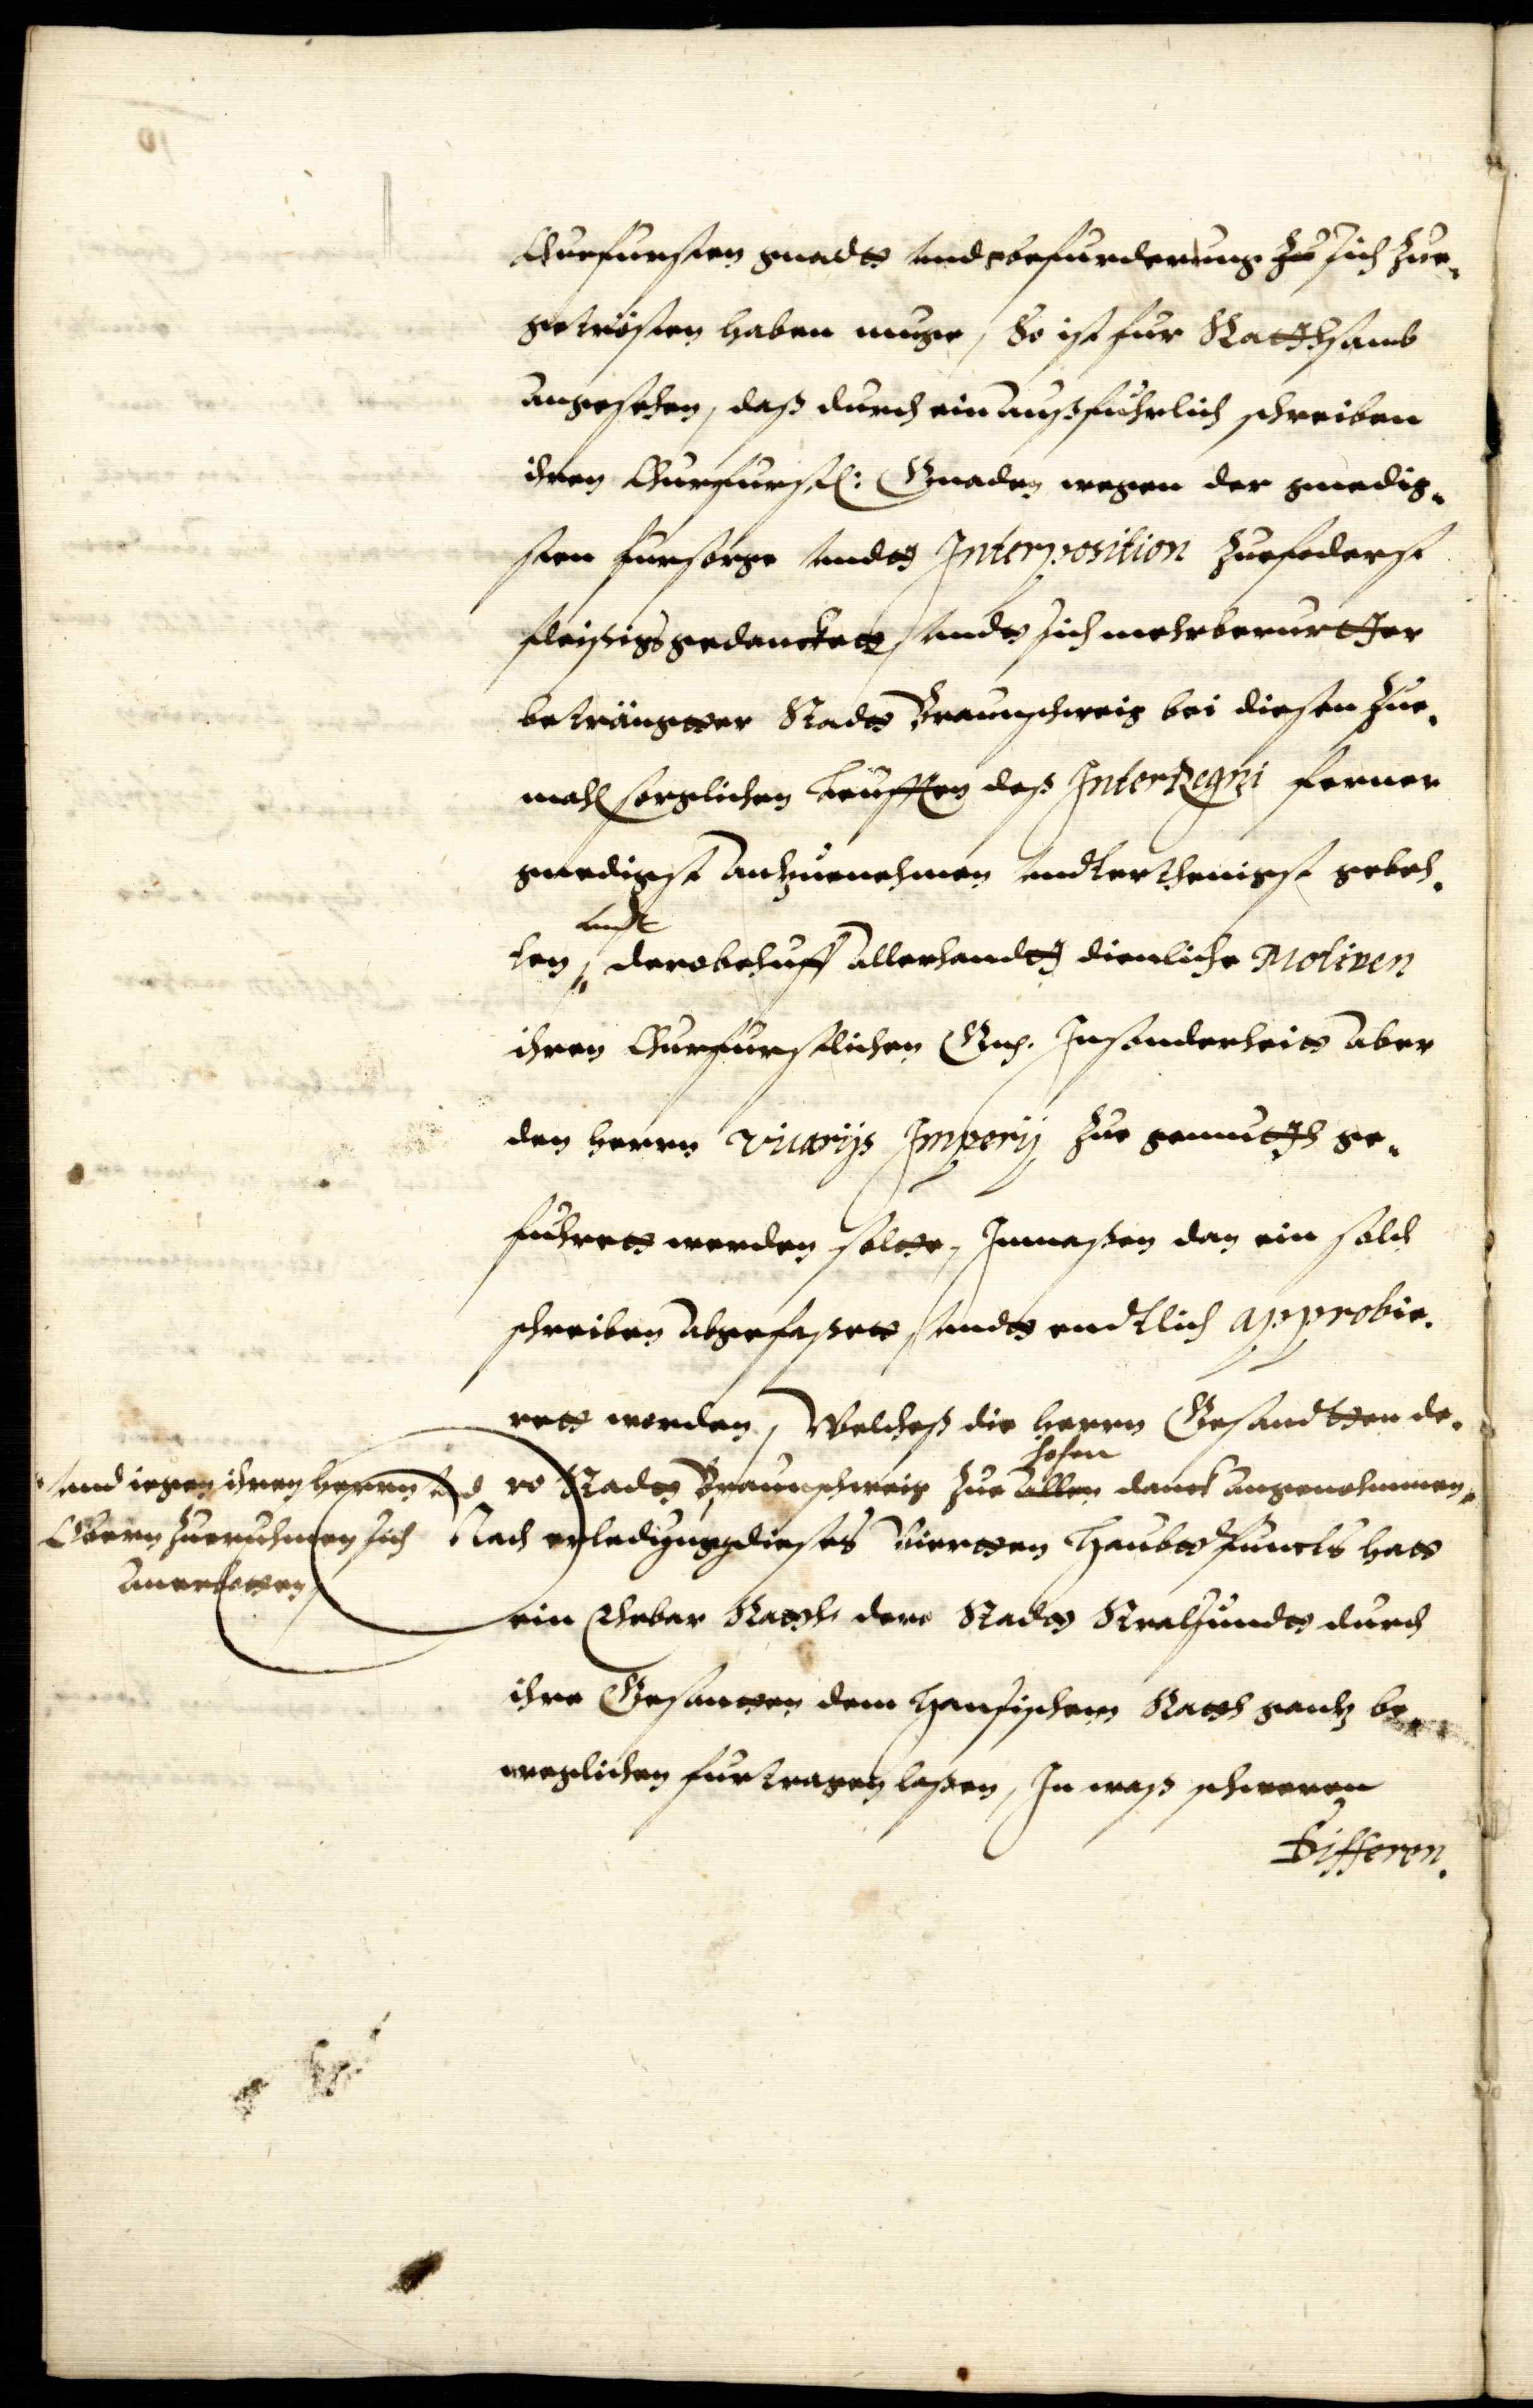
Churfursten gnadtt vnd befurderung zu sich zue¬
getrösten haben muge, So ist fur Ratthsamb
angesehen, daß durch ein außfuhrlich schreiben
ihren Churfurstl: Gnaden wegen der gnedig¬
sten fursorge vndtt Interposition zueforderst
fleißigs gedanckett vndtt sich mehrberurtter
beträngtter Stadt Braunschweig bei diesen zue¬
mahl sorglichen Leufften deß InterRegni ferner
gnedigst antzunehmen vndterthenigst geboh¬
ten vndt derobehuff Allerhandtt dienliche Motiven
ihren Churfurstlichen Gnh. Insonderheitt Aber
den herrn vicarijs Imperij zue gemutth ge¬
fuhrett werden soltte, Inmaßen dan ein solch
schreiben abgefaßett, vndtt endtlich approbie¬
rett worden, Welcheß die Herrn Gesandtten de¬
ro Stadtt Braunschweig zue allen hohen danck angenommen *
* vnd iegen ihren herren vnd
Obern zueruhmen sich
Anerbetten,
Nach erledigung dieses Viertten HaubttPuncts hatt
ein Ehrbar Ratth der Stadtt Stralsundtt durch
ihre Gesantten dem Hansischen Ratth gantz be¬
weglich furtragen laßen, In waß schweren
Differen¬
